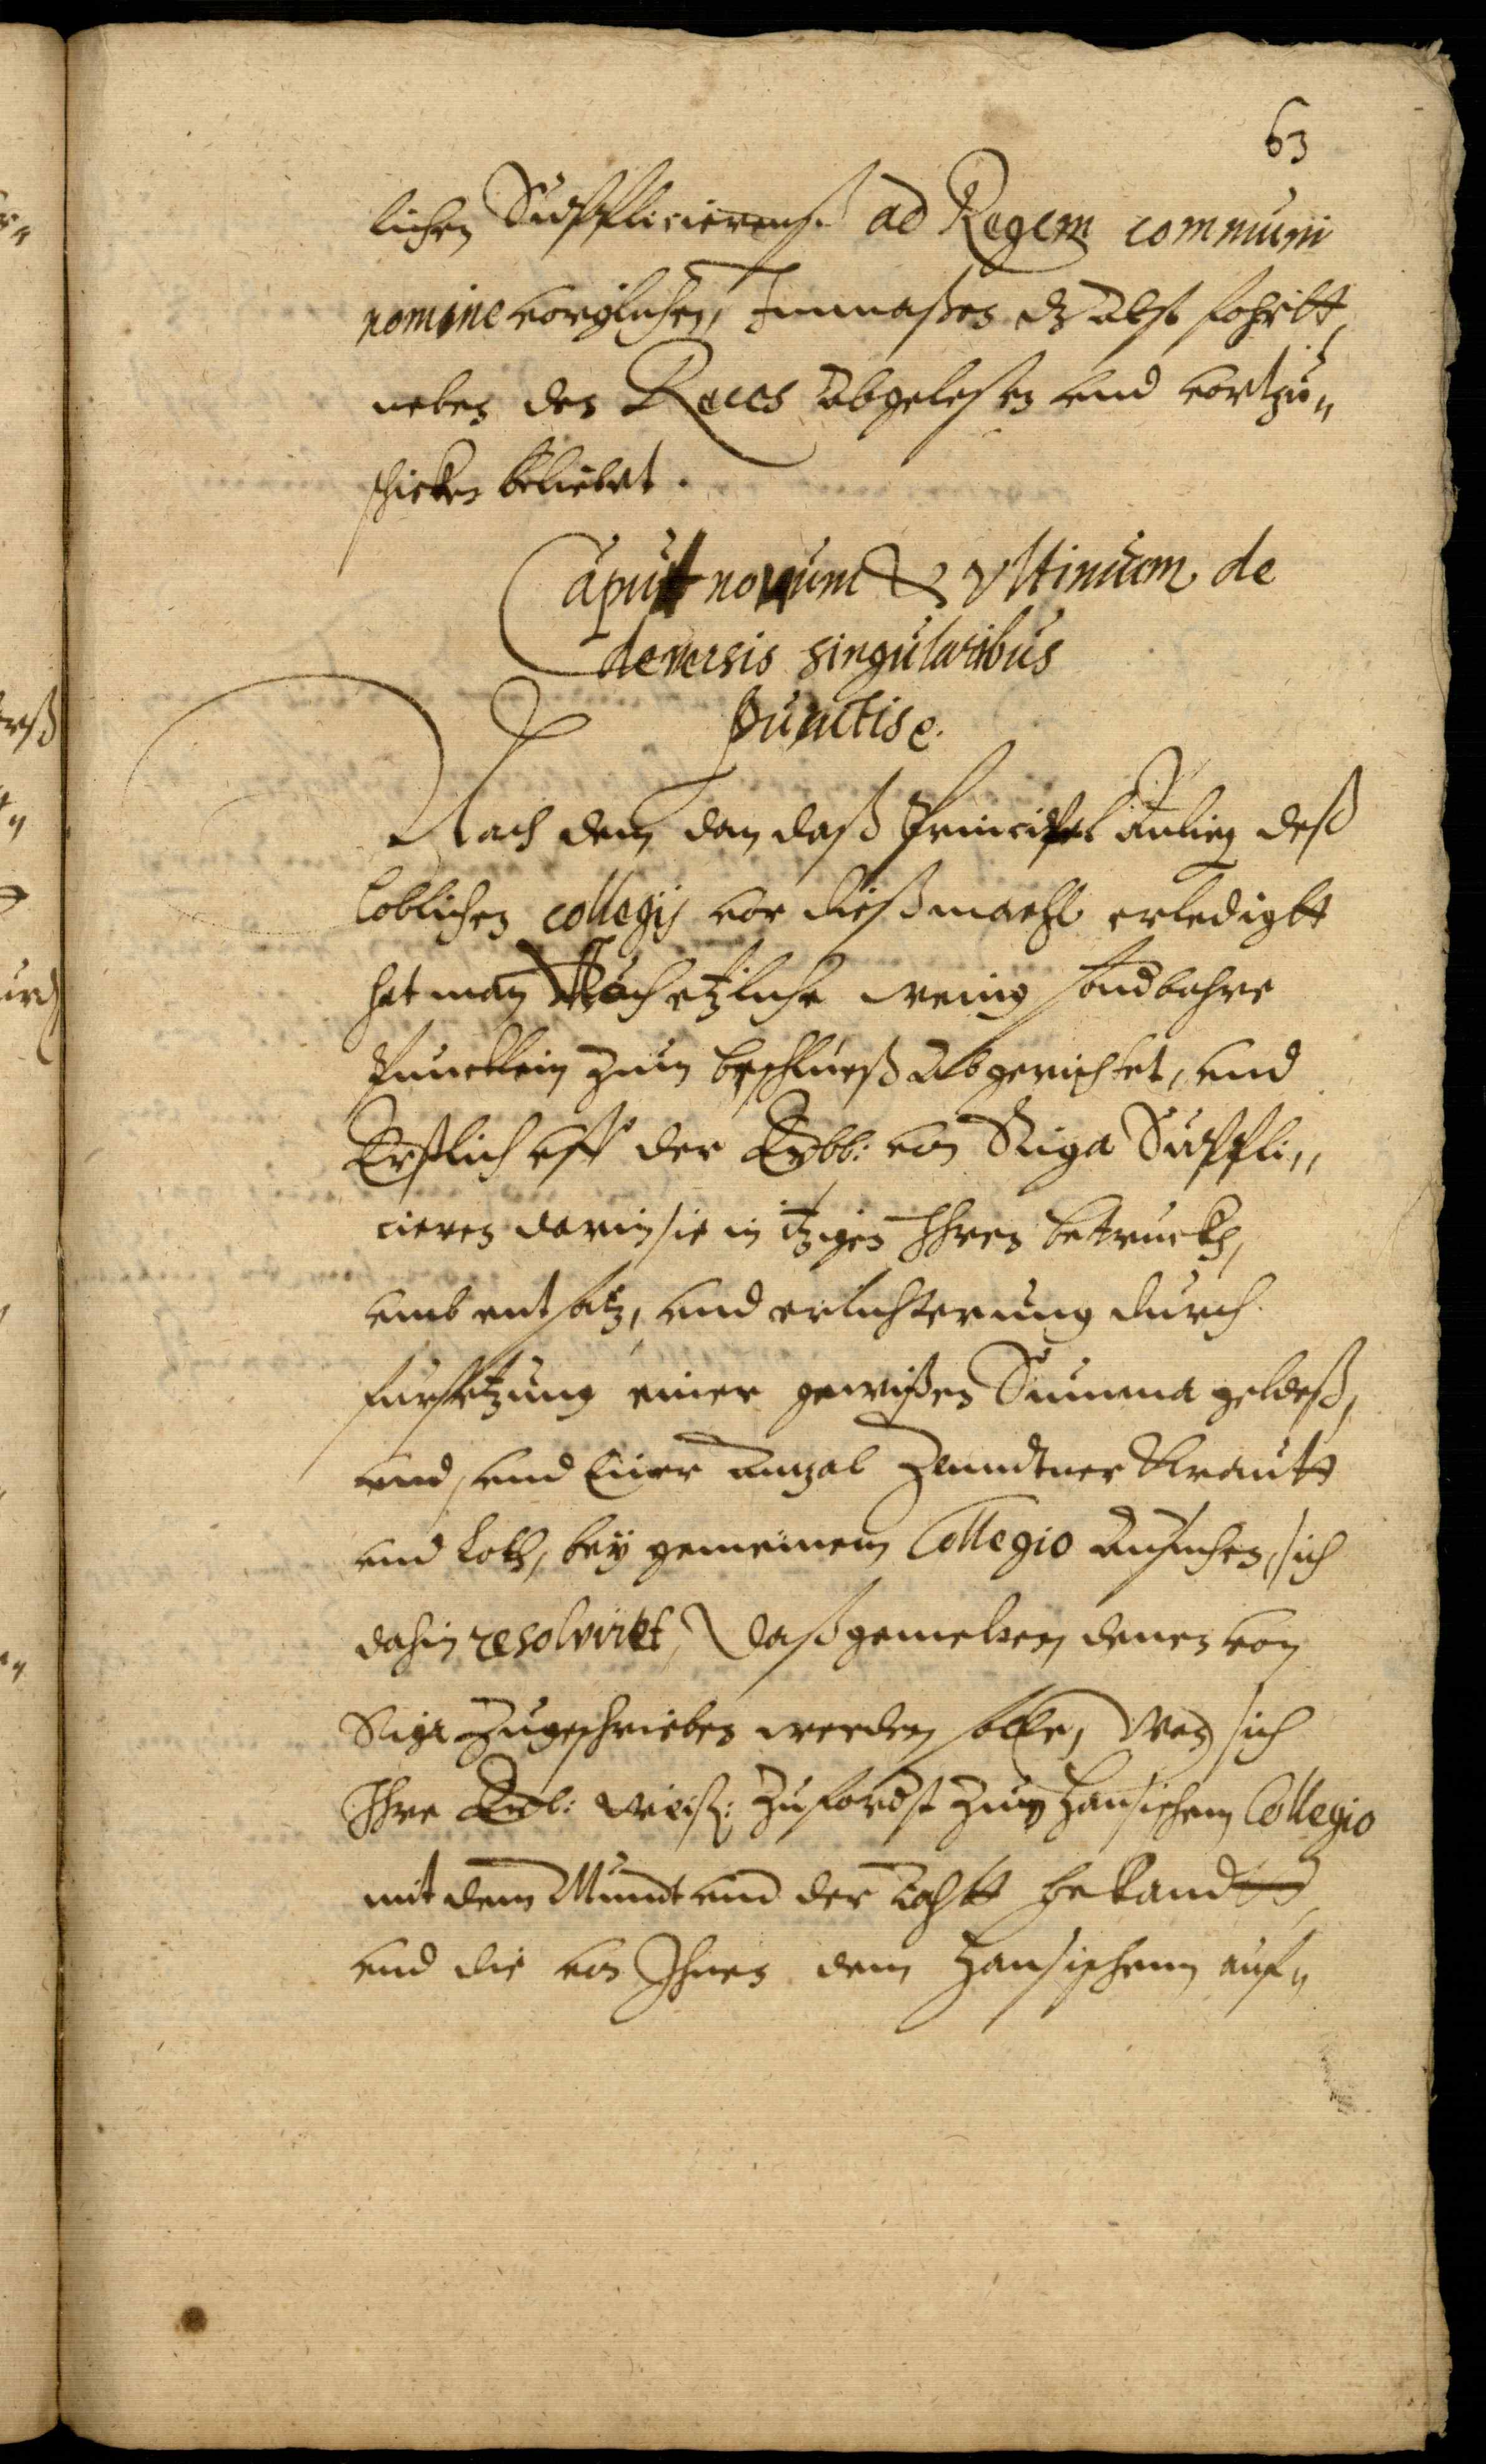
63
lichen Supplicierenß ad Regem communi
nomine vorglichen, Inmaßen das also fohrtt,
neben den Reces Abgeleßen vnd vortzu¬
schicken beliebet.
Caput nouum & ultimum de
deversis singularibus
punctise
Nach dem dan daß Principal Anliegen des
loblichen collegii vor dießmahl erledigtt
hat man Noch etzliche wenig sonderbahre
Puncklein zum beschlueß Abgerichtet, vnd
Erstlich vff der Erbb: von Riga Suppli¬
cieren darin sie in itzigen Ihren betruckh,
vmb entsatz, vnd erlichterung durch
fursetzung einer gewißen Summa geldeß,
vnd, vnd Einer Anzal Zenndtner Krautt
vnd Loth, beij gemeinem Collegio Ansuchen, sich
dahin resolviret, Daß gemelten denen von
Riga zugeschrieben werden solle, Wan sich
Ihre Erb: weiß: zuforderst zum Hansischenn Collegio
mit dem Mundt vnd der Tahtt bekandtt,
vnd die von Ihnen denn Hansischenn auf¬
